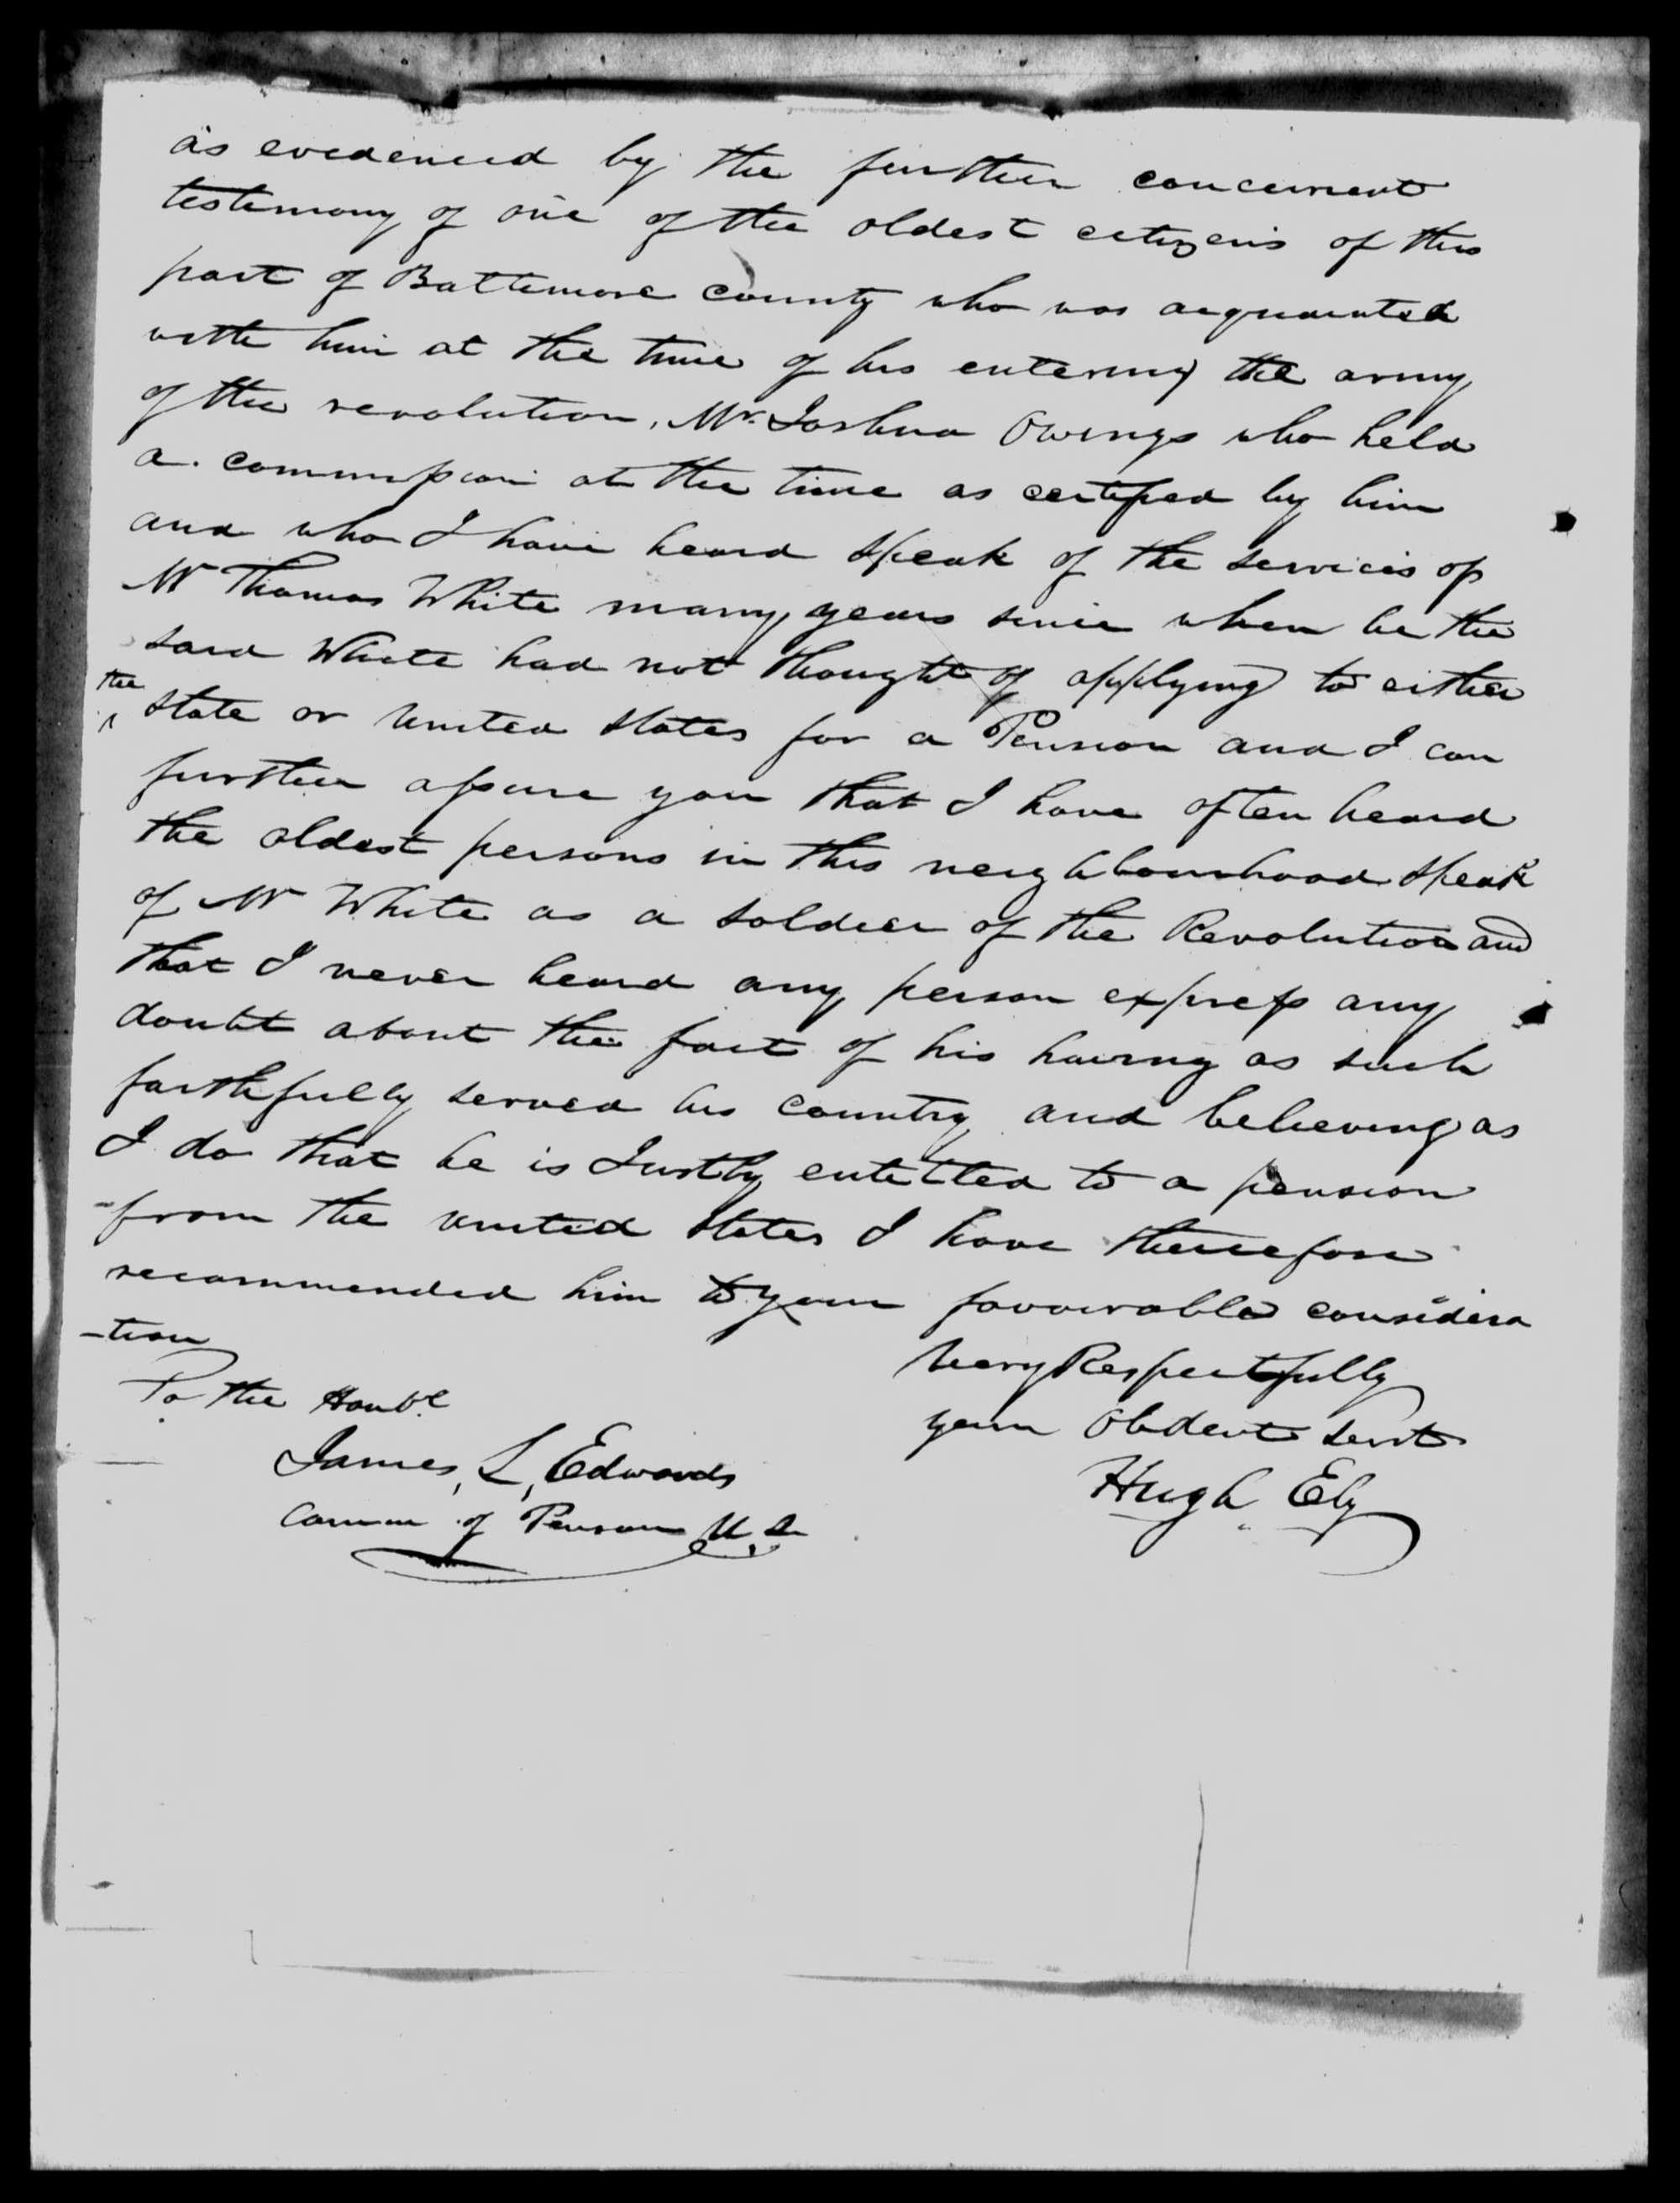as evidenced by the further concernent testimony of one of the oldest citizens of this
part of Baltimore County who was acquainted with him at the time of his entering the army of the revolution, Mr Joshua Owings who held a commission at the time as certified by him and who I have heard speak of the services of Mr Thomas White many years since when he the said White had not thought of applying to either the State or United States for a Pension and I can further assure you that I have often heard the oldest persons in this very [illegible] speak of Mr White as a soldier of the Revolution and that I never heard any person express any doubt about the fact of his having as such faithfully served his country and believing as I do that he is justly entitled to a pension from the United States I have therefore recommended him to your favourable [favorable] consideration
Very Respectfully your Obdent Servt [Obedient Servant]
Hugh Ely
To the Honble [Honorable] 
James L. Edwards
Comm of Pensons [Pensions] U. S.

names: Joshua Owings, Thomas White, Hugh Ely, James L Edwards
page: 20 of 43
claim: survivor's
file: S. 15240, Thomas White, Md.